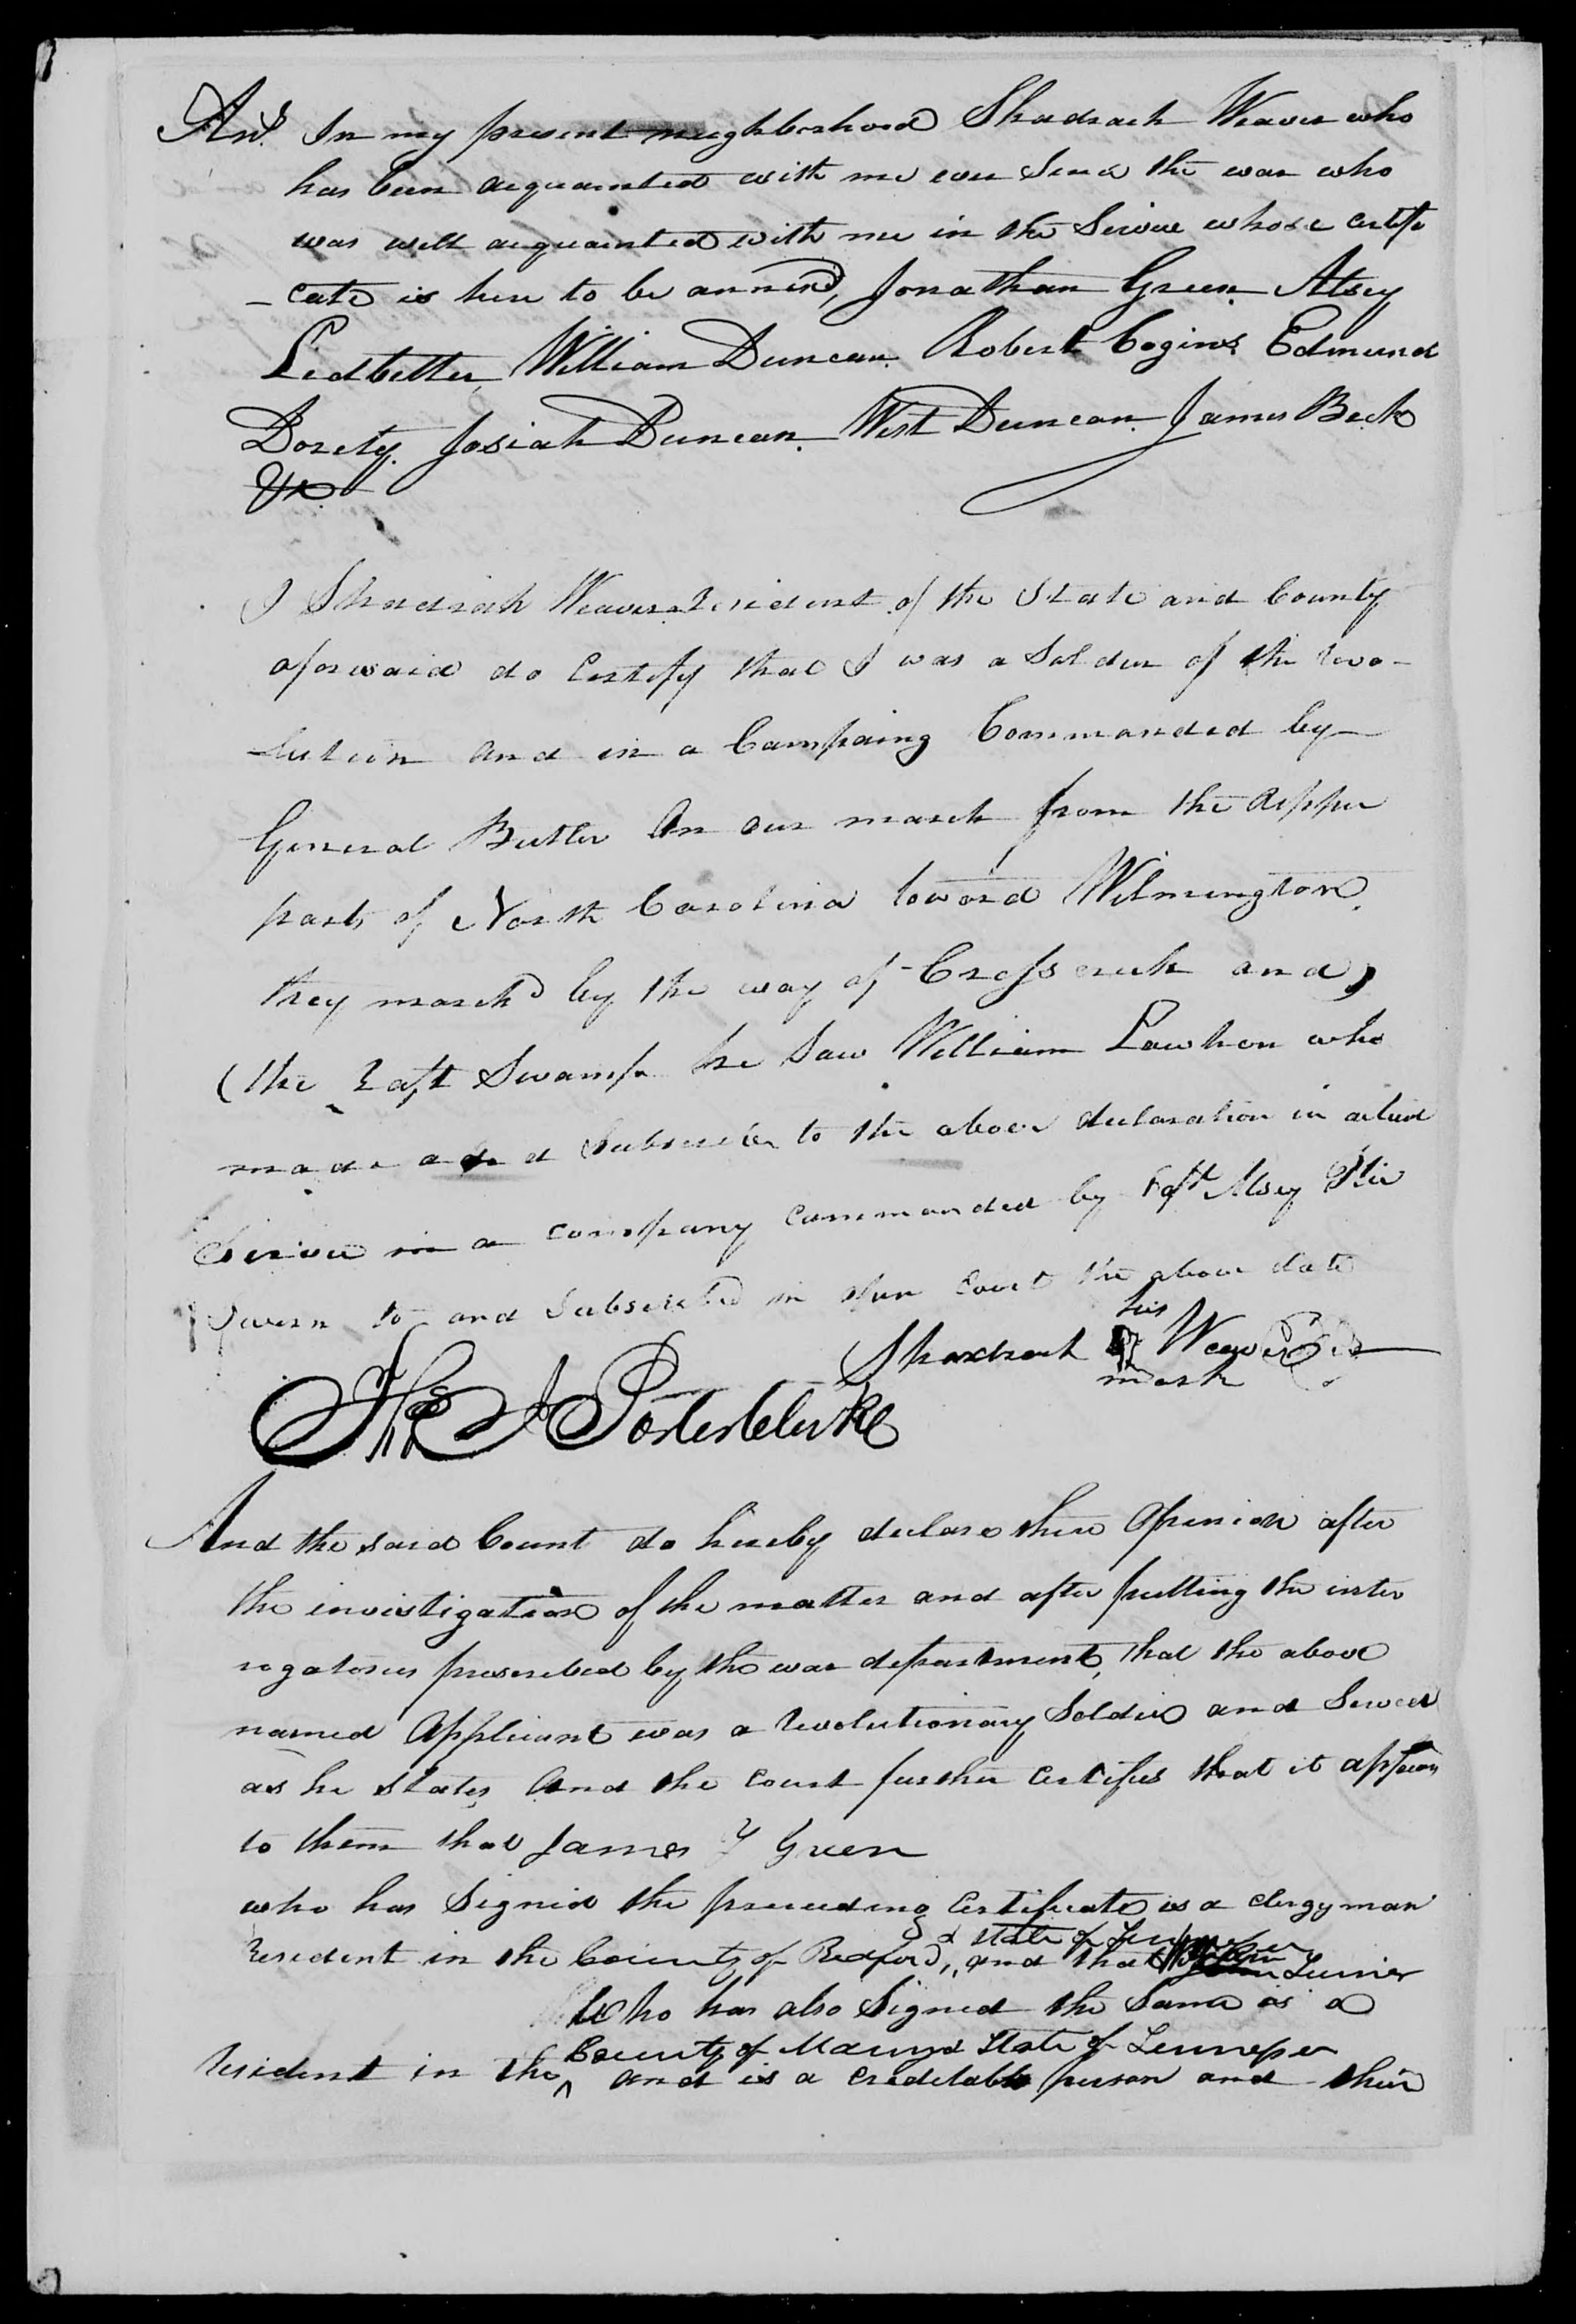Ans: In my present neighborhood Shadrach Weaver who has been acquainted with me 
ever since the war who was well acquainted with me in the Service whose certificate is hereto annexed, Jonathan Greene, Alsey Ledbetter, William Duncan, Robert Cogins, Edmund Dorety, Josiah Duncan, West Duncan, James Beck etc. 

I Shadrach Weaver resident of the State and County aforesaid do certify that I was a 
Soldier of the revolution and in a Company commanded by General Butler on our march from the upper part of North Carolina toward Wilmington they marched by the way of Cross Creek and the Raft Swamp he saw William Lawhorn who made and subscribed to the above declaration in active service in a company commanded by Captain Alsey Hix. 
Sworn to and subscribed in open Court the above date. 
                 Shadrach X Weaver 
                        (X his mark)

And the said Court do hereby declare their opinion after the investigation of the matter and after putting the interrogatories prescribed by the war department, that the above named Applicant was a Revolutionary Soldier and Served as he States and the court further certifies that it appears to them that James Y. Green who has Signed the preceding certificate is a clergyman resident in the County of Bedford & State of Tennessee and that William Turner who has also signed the same is a resident in the county of Maury & State of Tennessee and is a creditable person and their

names: William Turner; James Y Green; [BLANK] Butler; James Beck; William Duncan; Edmund Dorety; Josiah Duncan; Thos J Porter; Atsey Lidbetter; Shadrack Weaver; West Duncan; Robert Cogins; William Lawhorn; Jonathan Green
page: 10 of 16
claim: survivor's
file: S 4506, for William Lawhorn, North Carolina